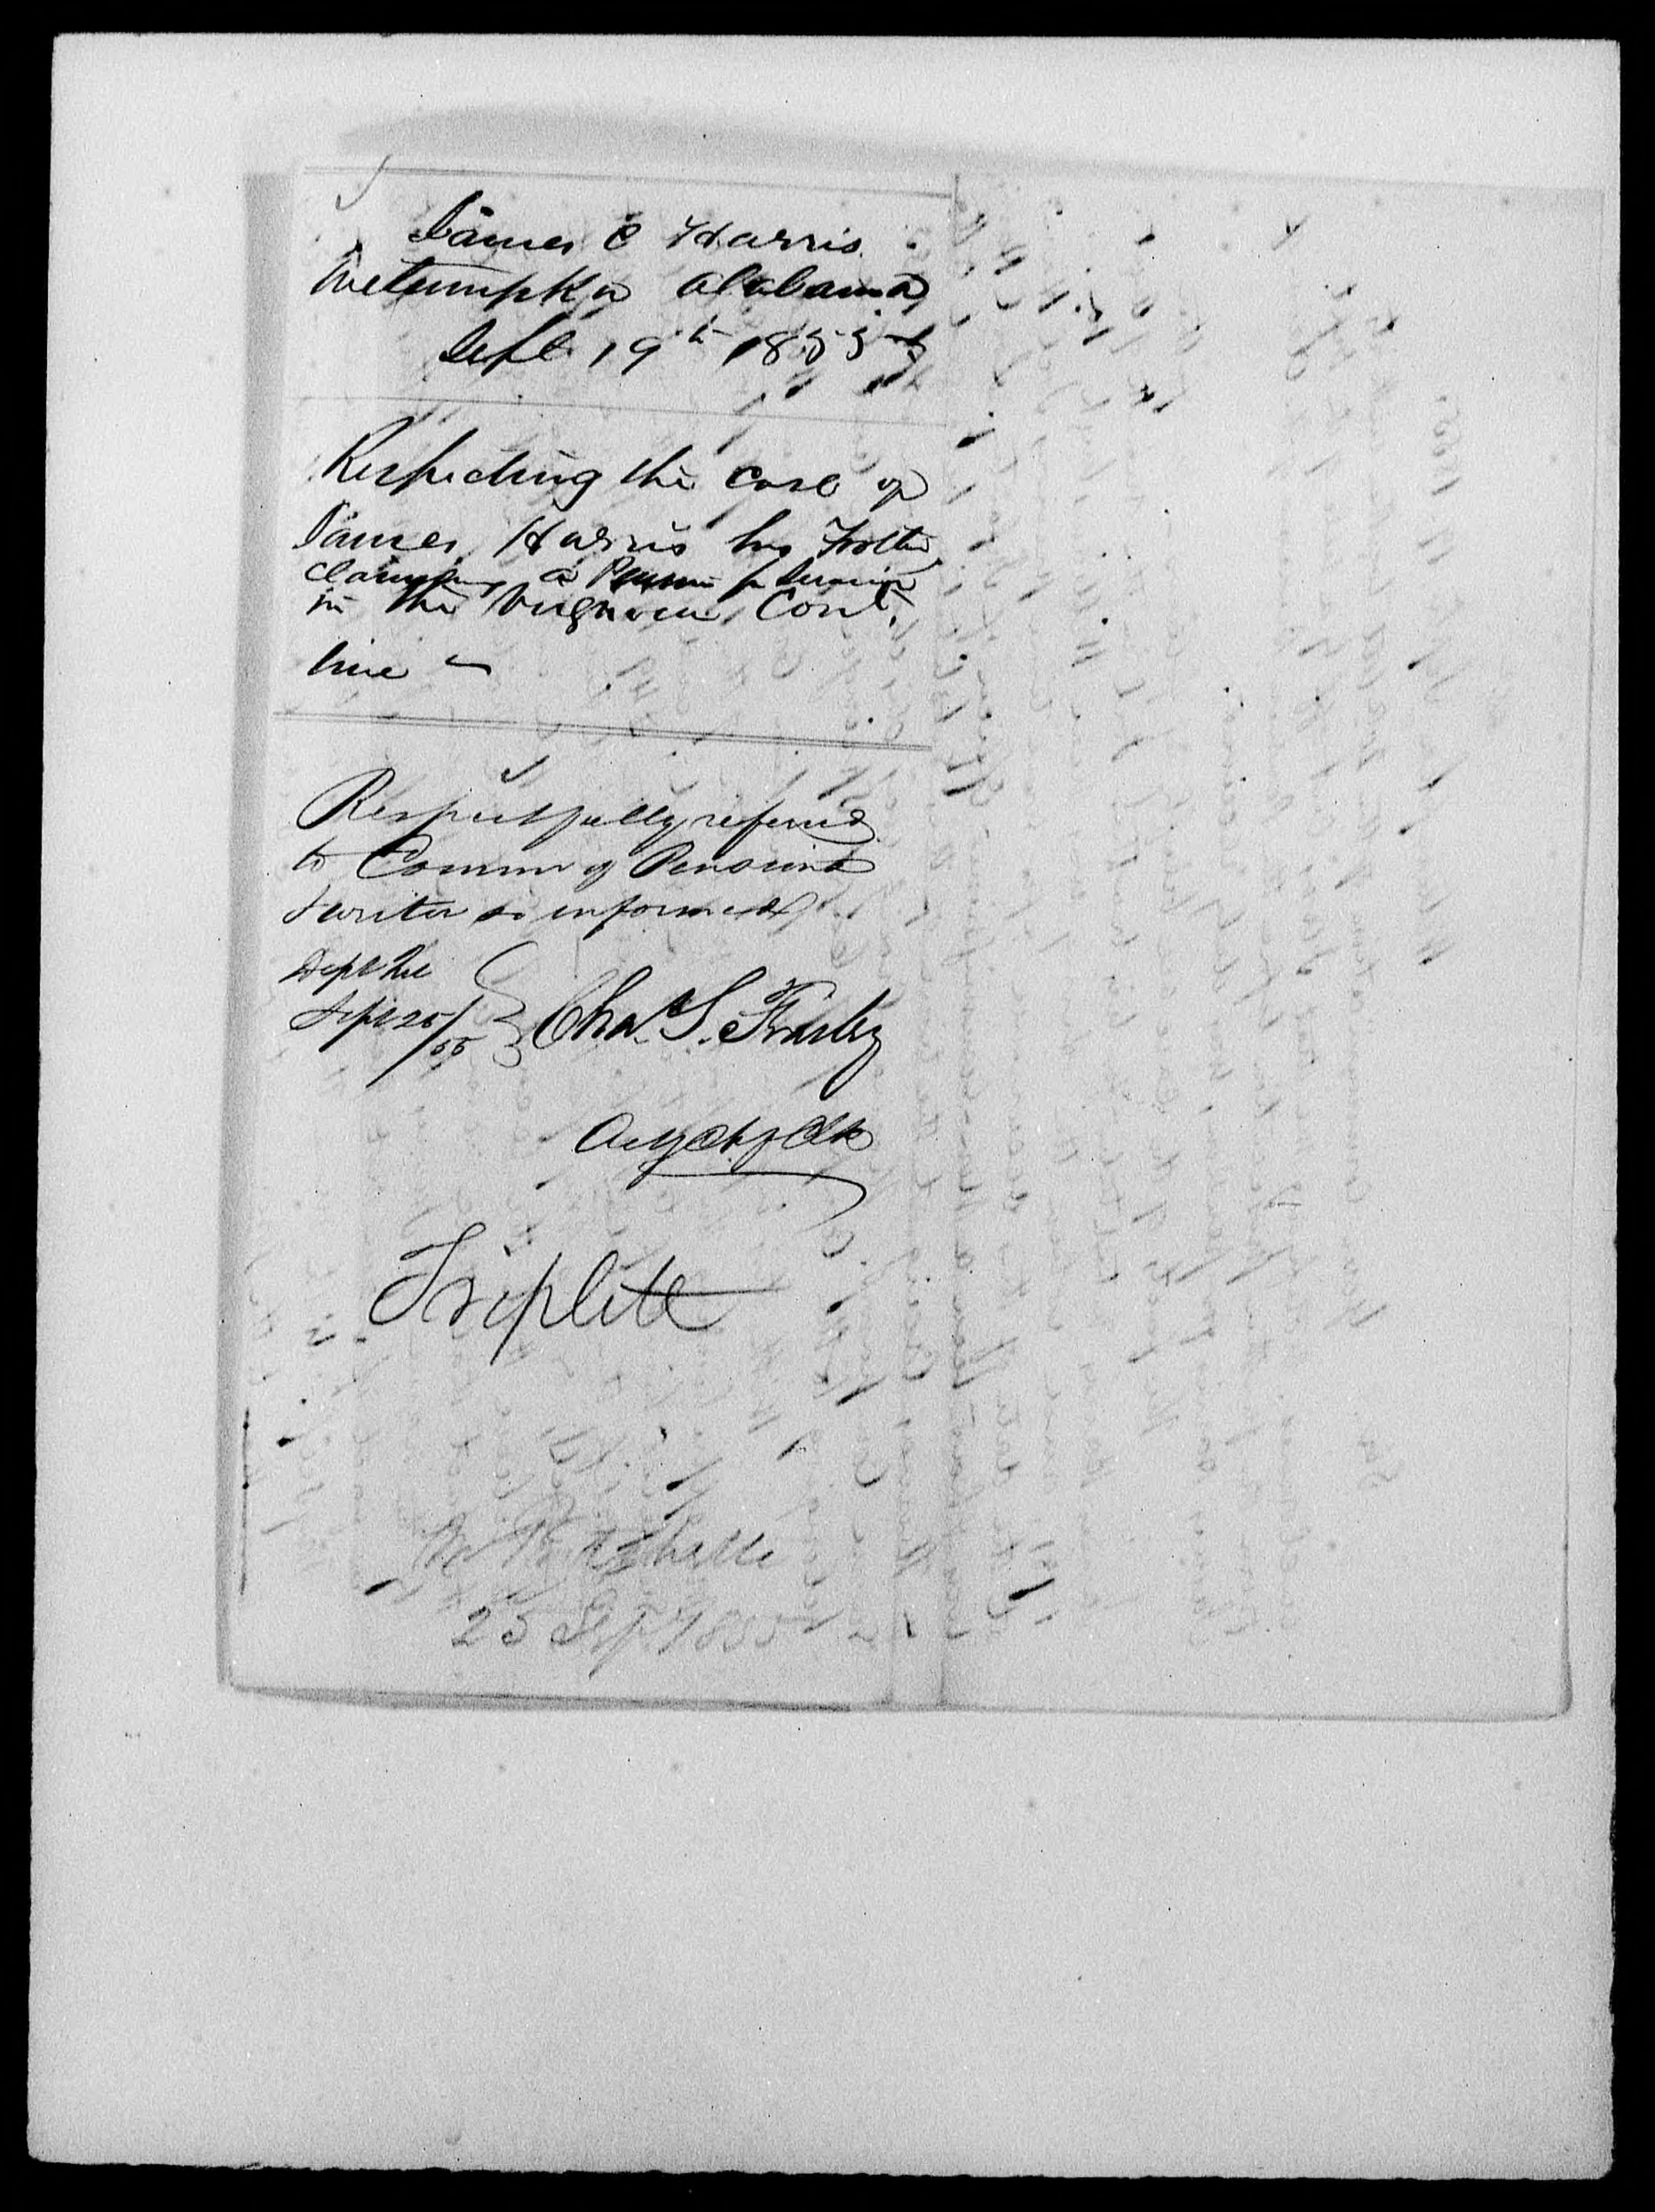James C Harris
Wetumpka Alabama
Sept 19th 1855

Respecting the case of
James Harris his Father
Claiming a pension for serving
in the Virginia Cont.
line.

Respectfully referred
to Comms of Pensions
& writer so informed
Dept [?]
Sept 25/55  Chas S. Fraily
[?] Chf Clk
Triplett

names: Pritchette, James C Harris, Triplett, James Harris, Chas S Frailey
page: 65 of 160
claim: rejected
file: R. 4666, James Harris, Va.